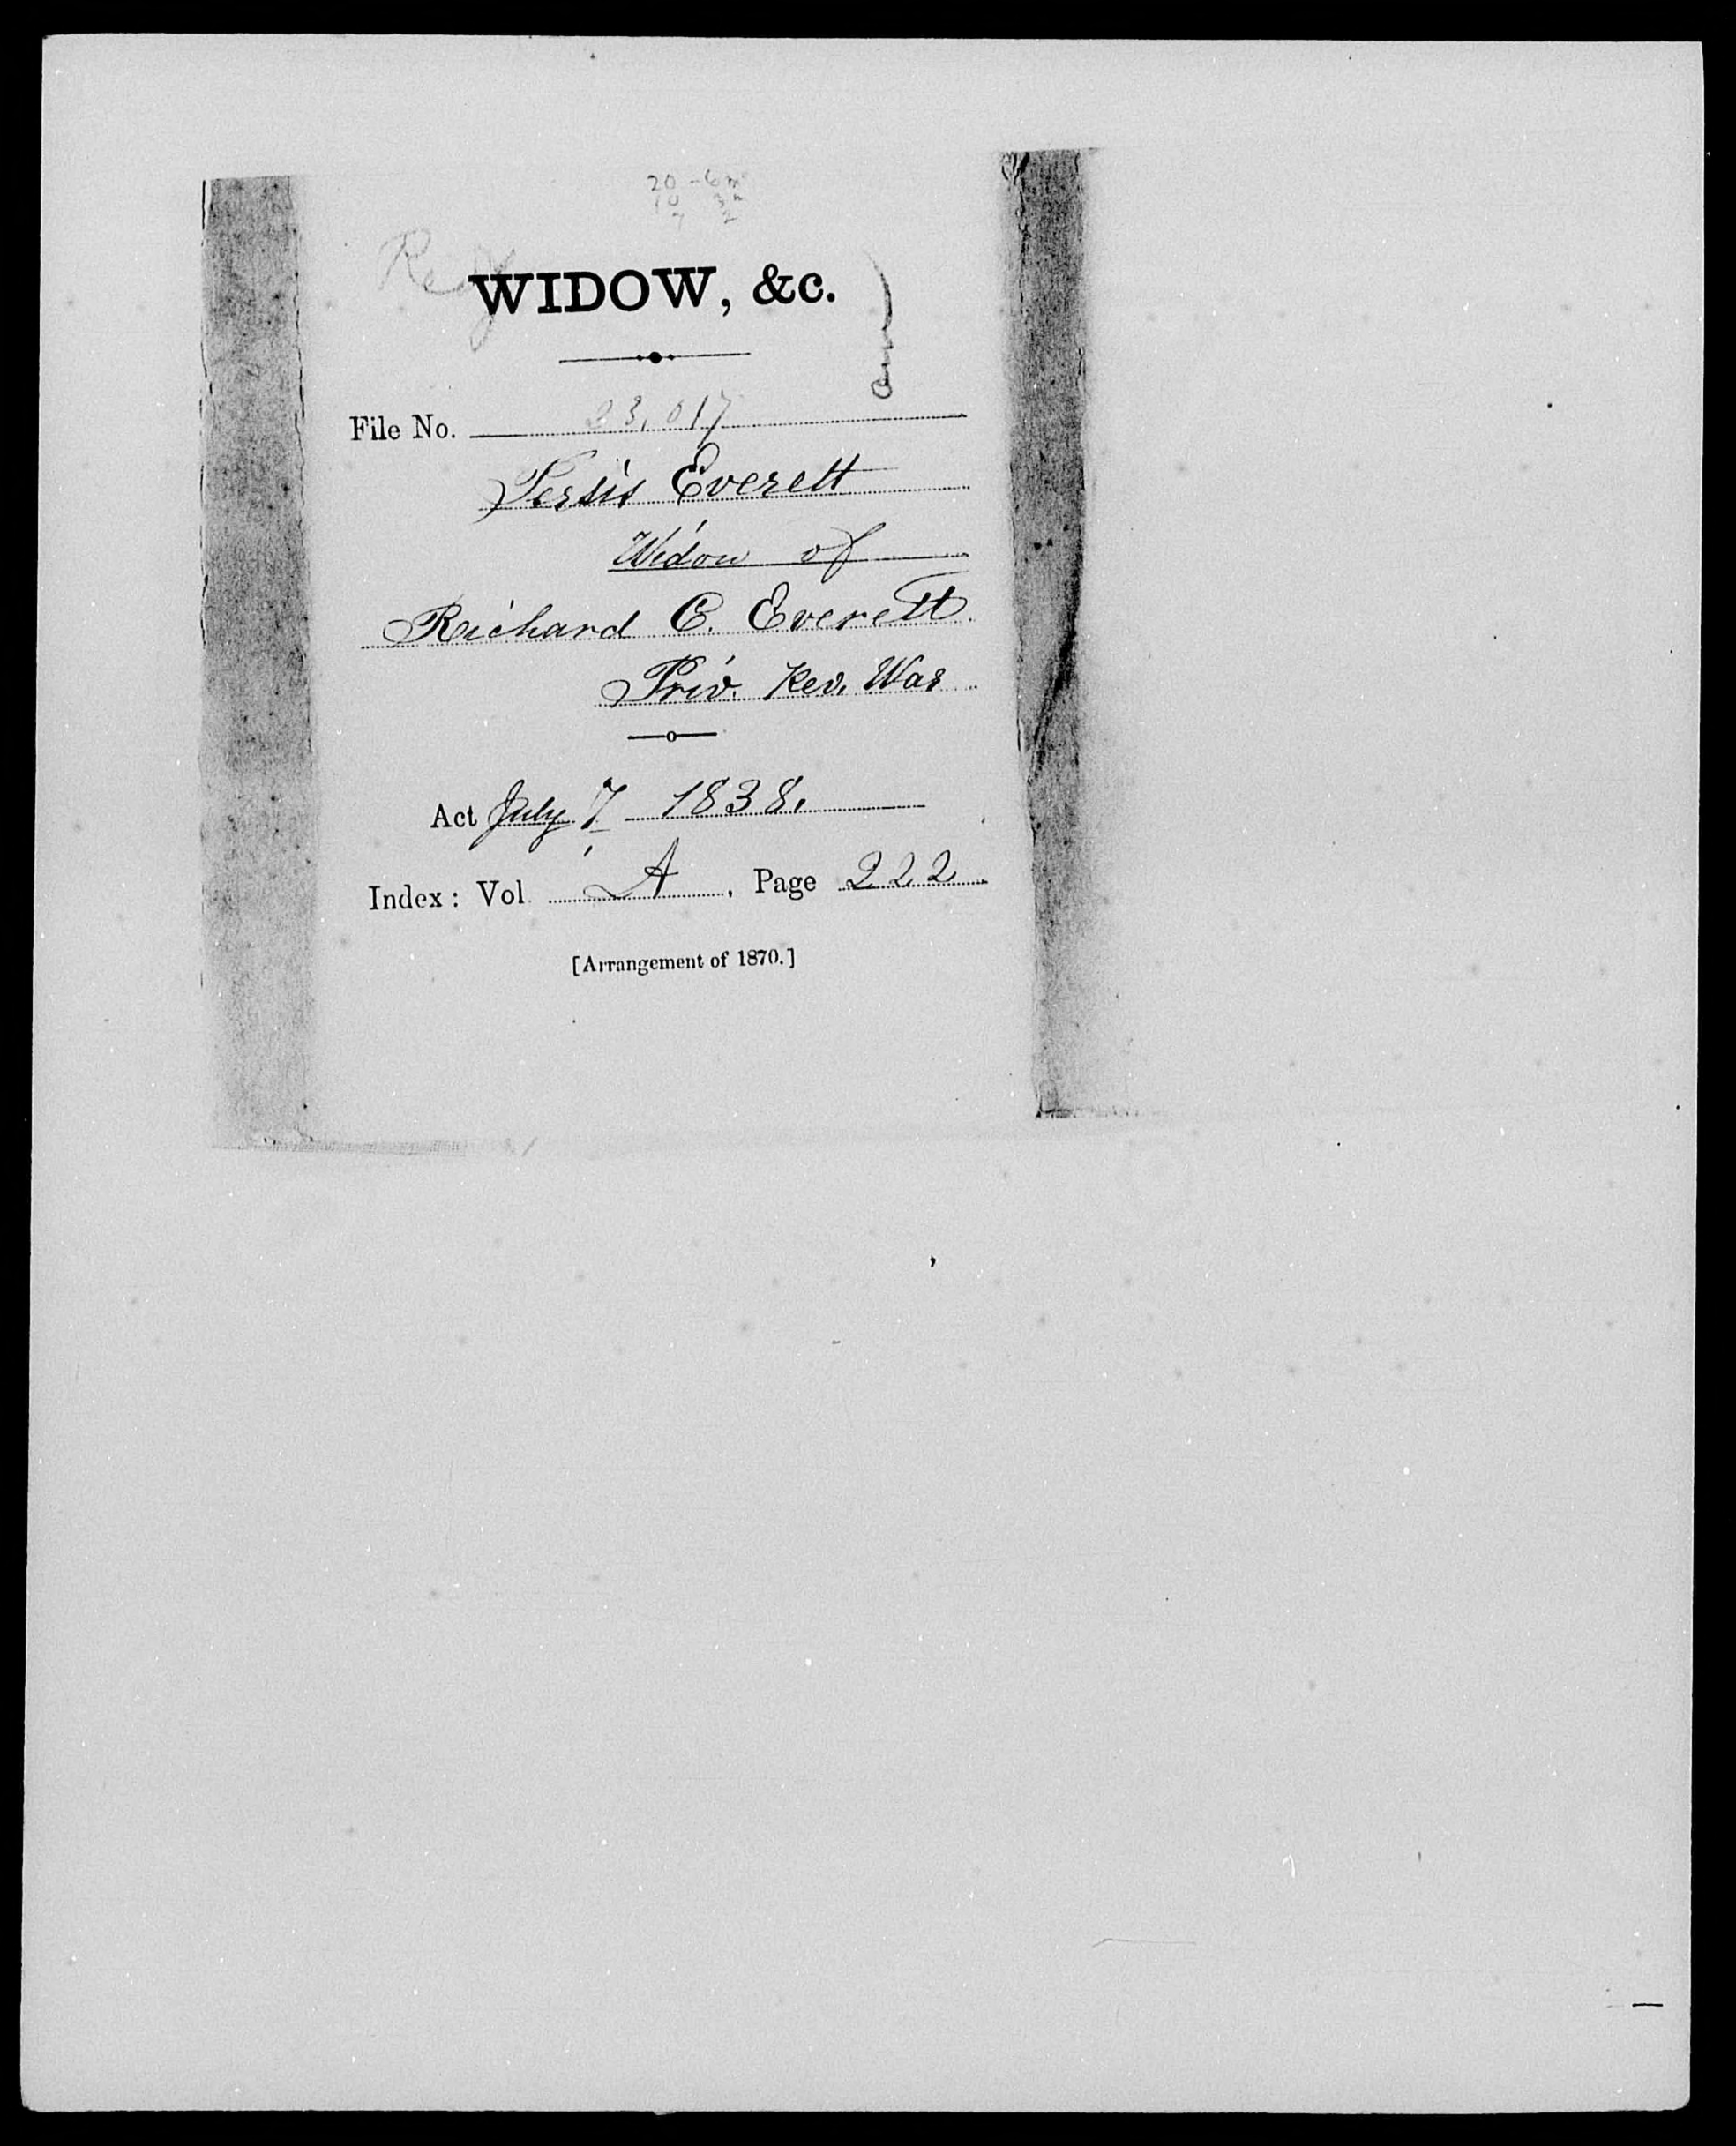WIDOW, & c.
File No. 23,017
Leslie Everett
Widow of 
Richard C. Everett
Prov.  Rev. War

Act July 7, 1838
Index: Vol. A, Page 222
[Arrangement of 1870.]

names: Richard C Everett, Persis Everett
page: 16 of 59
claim: widow's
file: W. 23017, Richard Clair Everett, Mass.